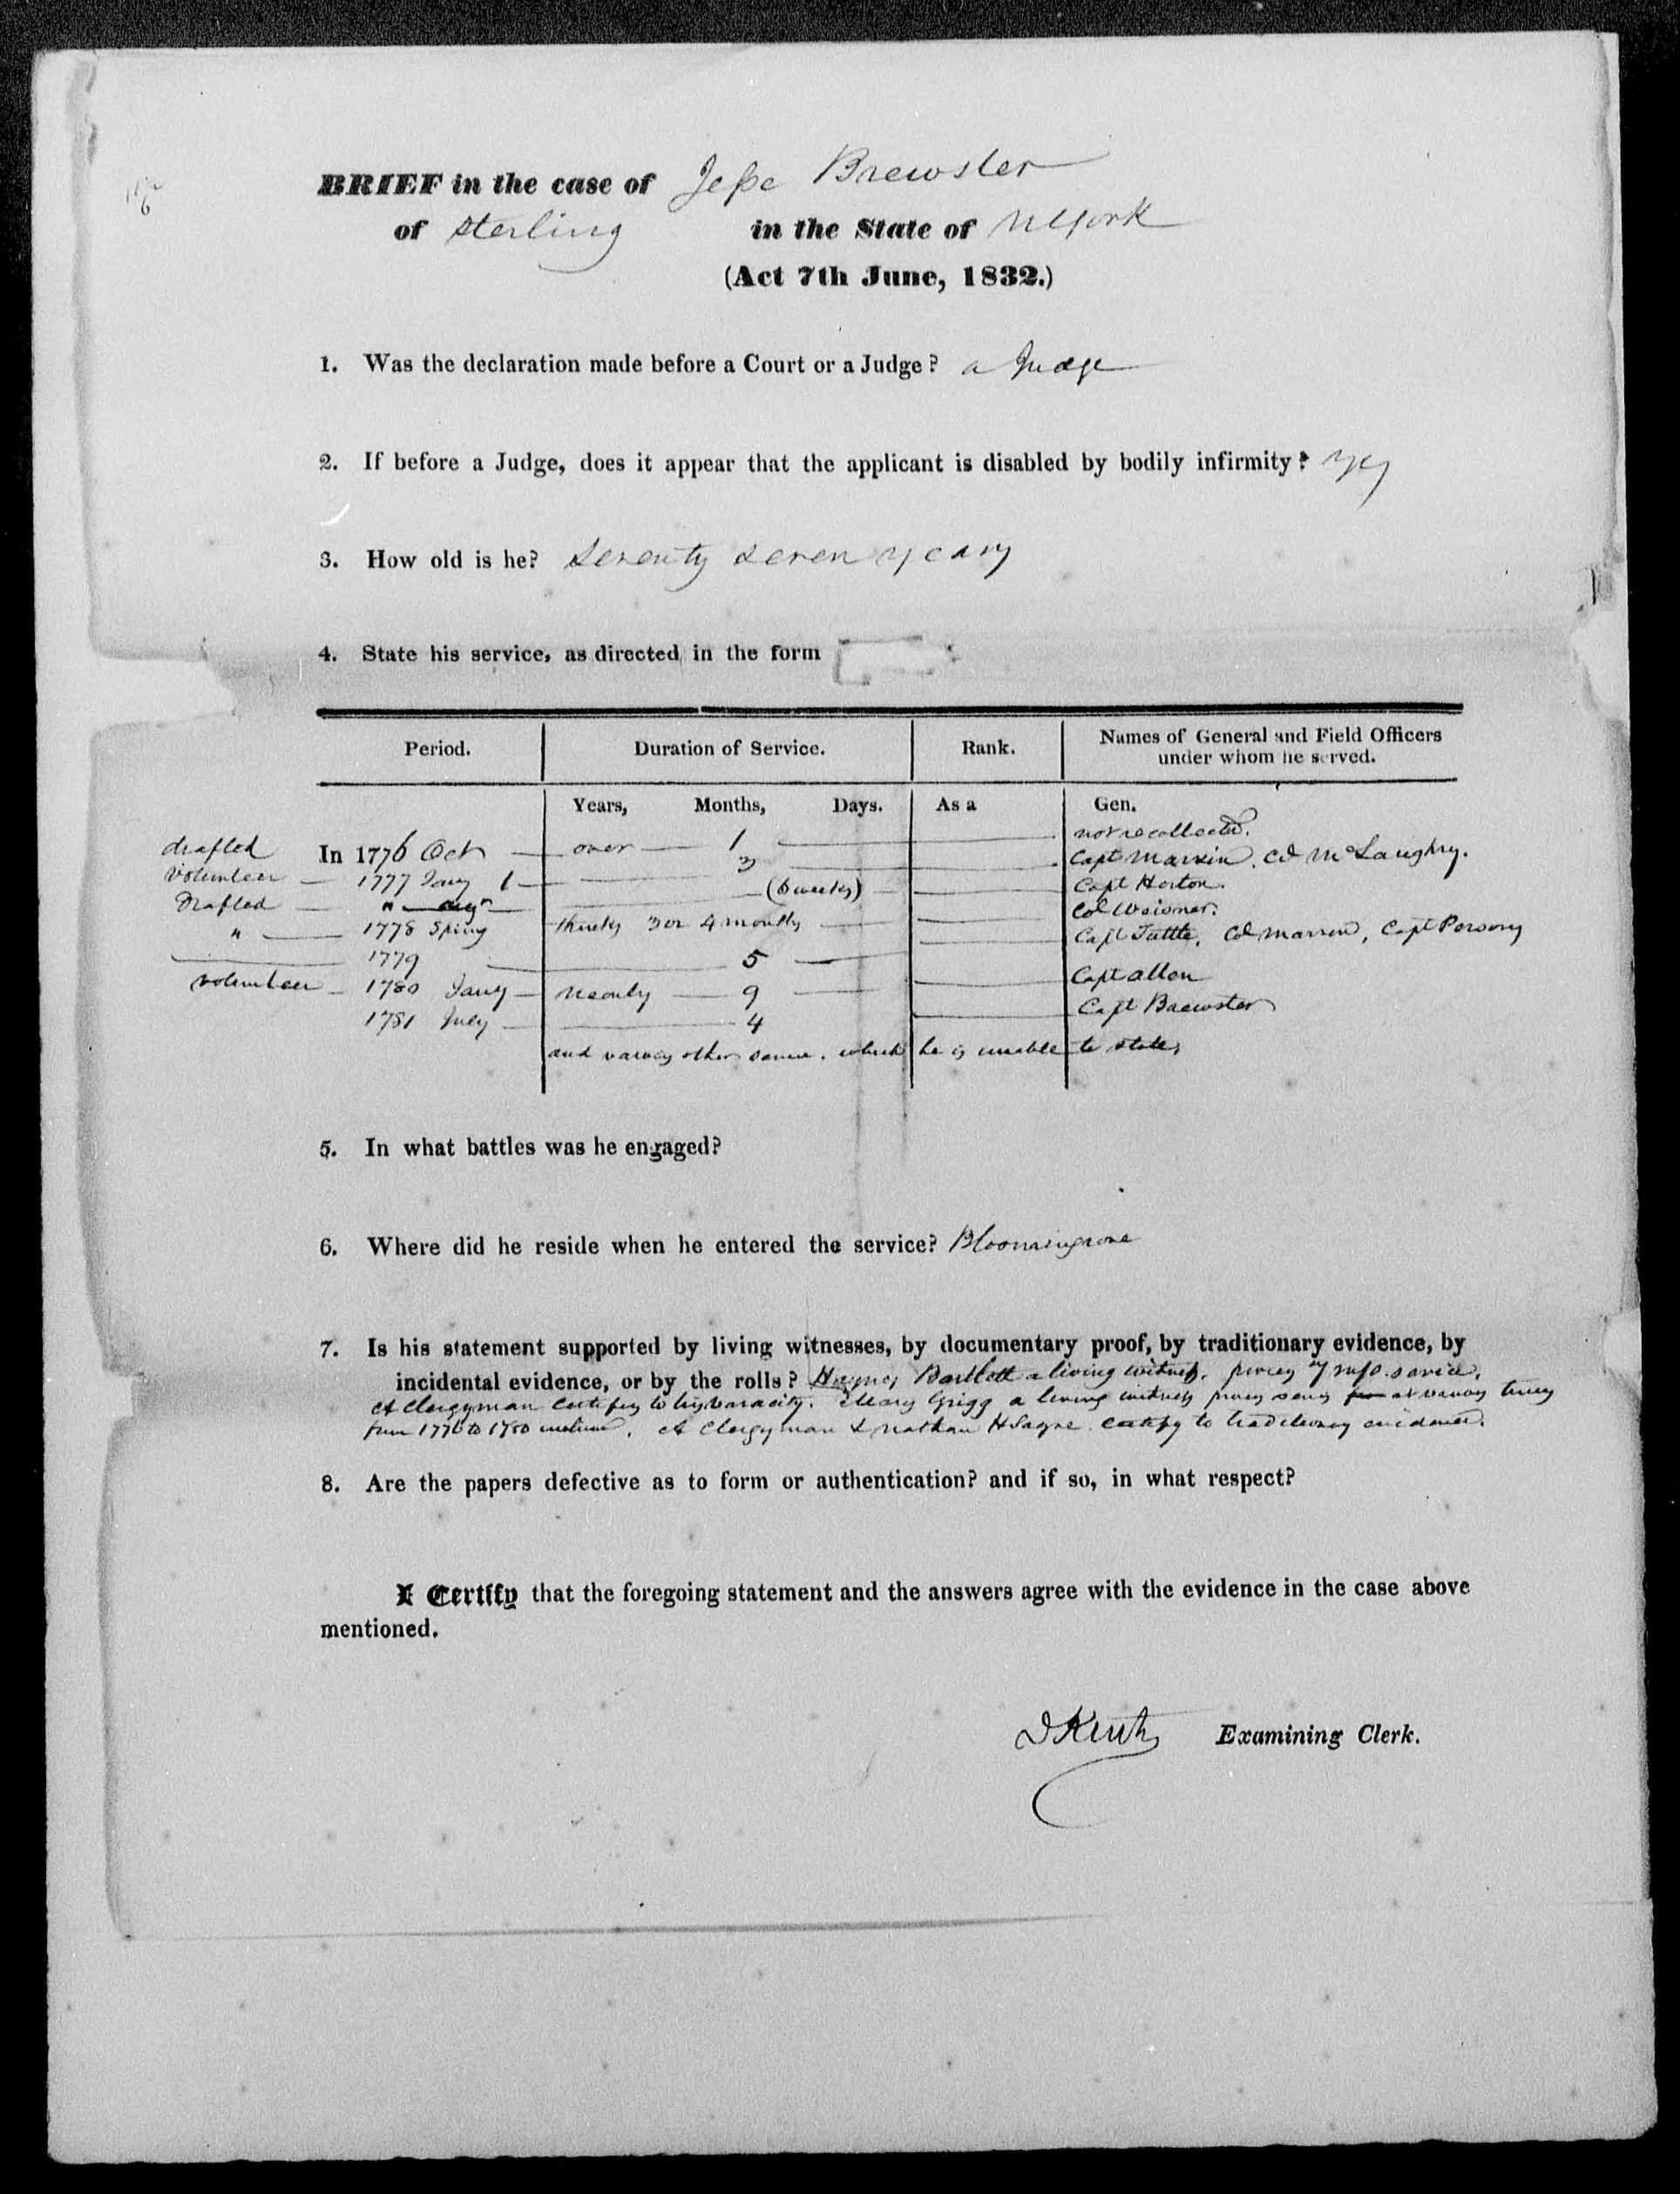Jesse Brewster of Sterling in the state of NYork
1. a Judge
2. yes
3. seventy seven years
drafted in 1776 Oct over 1 month ____ not recollect
volunteer 1777 Jany 3 Capt Marvin Co McLaughry
Drafted 1777 seventy Capt Horton
drafted 1778 spring thereby 3 or 4 months Col Weisner
Drafted 1779 5 months Capt Tuttle, Col Marrin, Capt Porsony
volunteer 1780 Jany nearly 9 months Capt Brewster
and various other service which he is usable to state
6. Bloominggrove
7. Haynes, Bartlett a living witness, proudly 7 mo service a clergyman certify to his veracity. Mary Grigg a living witness proudly served at various times from 1776 to 1780 included. A clergyman I nathan H Sagne certify to traditiony evidence.
D Kent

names: Brewster, Mary Grigg, Marrow, Tuttle, Mc Laughry, D Kent, Persons, Allen, Weisner, Henry Bartlett, Jesse Brewster, Horton, Nathan H Sayre, Marvin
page: 8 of 26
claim: survivor's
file: S. 12,291, Jesse Brewster, New York